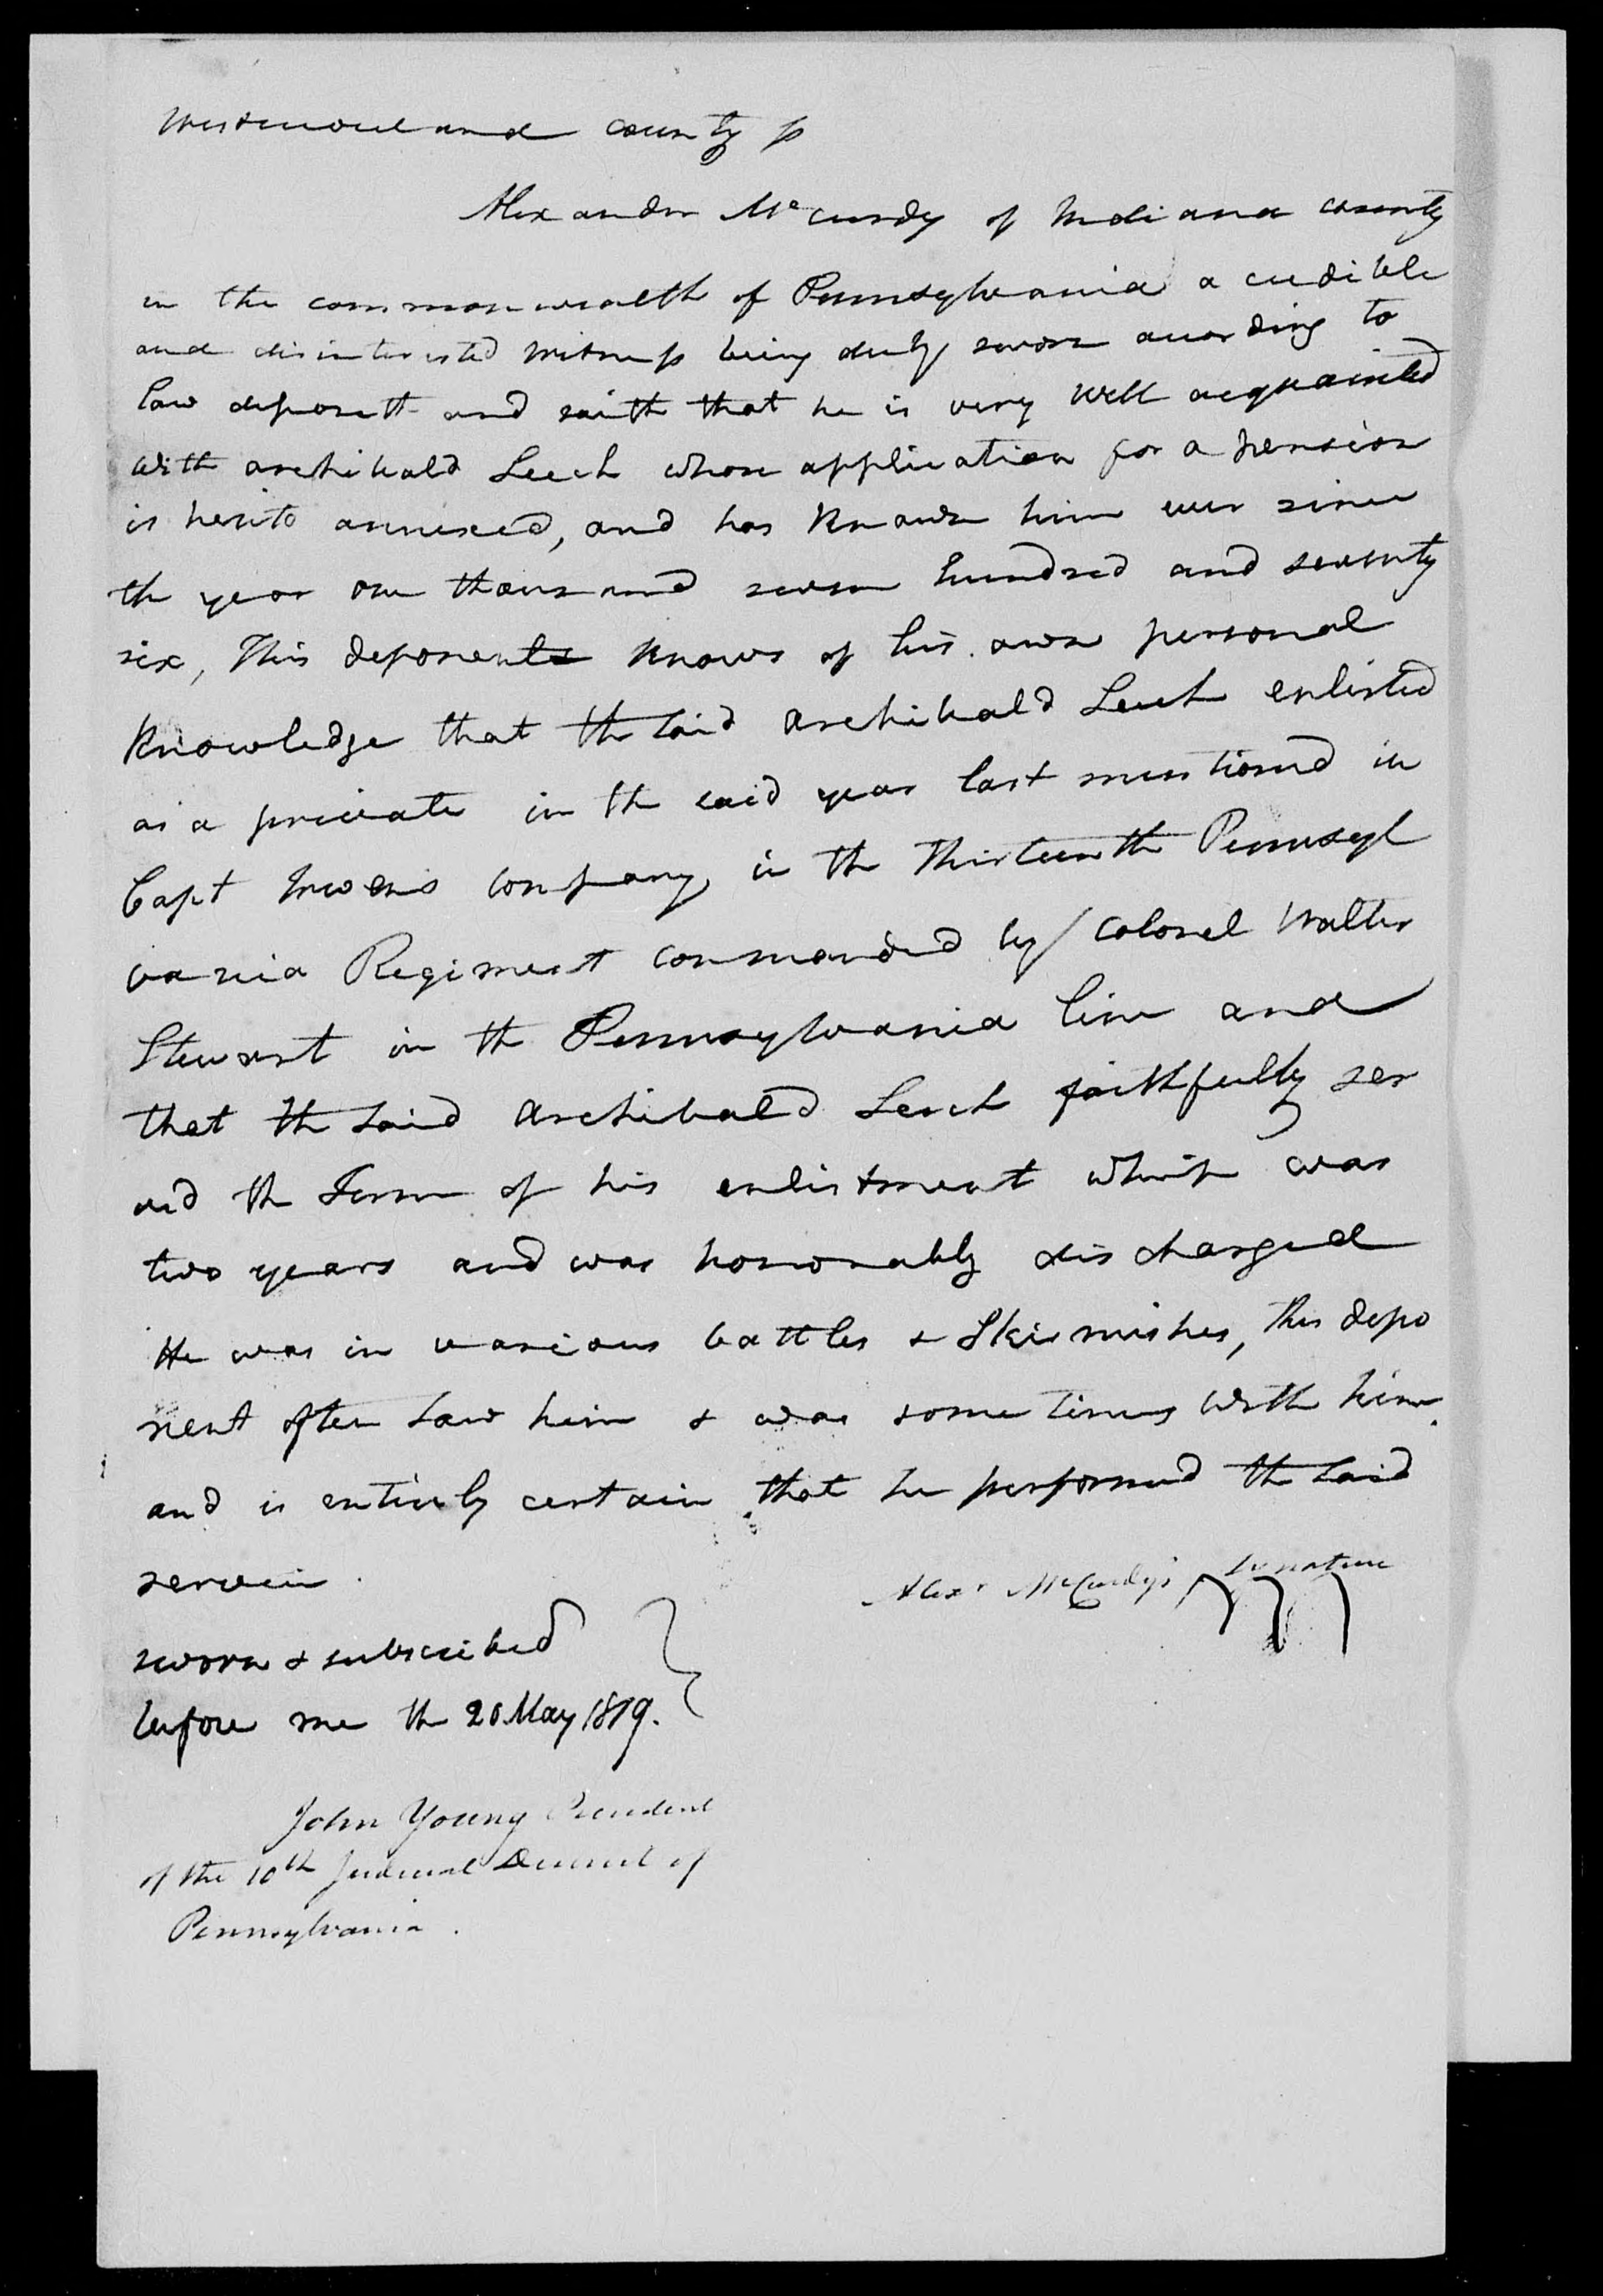Westmorland County SS.
Alexander McCurdy of Moliana County in the Commonwealth of Pennsylvania, a credible and disinterested witness, being duly sworn according to law deposeth and saith that he is very well acquainted with Archibald Leech whose application for a pension is hereto annexed and has known him ever since the year one thousand seven hundred and seventy-six. This deponent knows of his own personal knowledge that the said Archibald Leech enlisted as a private in the said year last mentioned in Capt. Irwen's company in the thirteenth Pennsylvania Regiment commanded by Colonel Walter Stewart in the Pennsylvania line and that the said Archibald Leech faithfully served the term of his enlistment which was two years and was honorably discharged. He was in various battles and skirmishes this deponent after saw him and was sometimes with him and is entirely certain that he performed the said services.
Sworn and subscribed before me the 26 May 1819.
[Alexander McCurdy's signature]
John Young President of the 10th Judicial District of Pennsylvania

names: Walter Stewart; John Young; Alexander Mc Curdy; Archibald Leech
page: 18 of 20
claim: survivor's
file: S. 40,935, for Archibald Leech, Pennsylvania